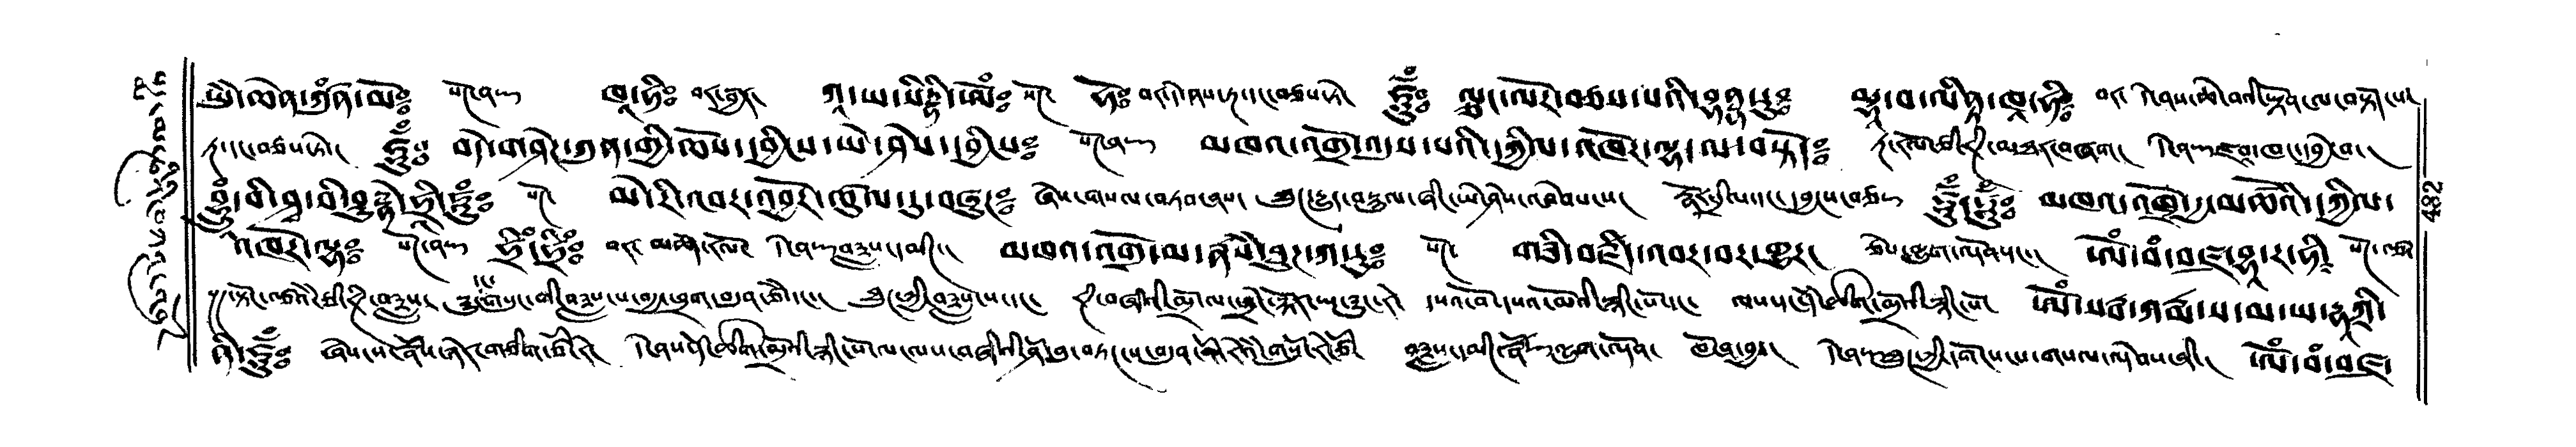ཡུམ་ཆེན་ཀུན་བཟང་མོ༔ སོགས་ནས། ཁཱ་ཧི༔ བར་སྦྱར། ཀཱ་ཡ་སིདྡྷི་ཨོཾ༔ སོགས། ཧོ༔ བར་དེ་ནས་རྔ་དང་བཅས་ཏེ། ཧཱུྃ༔ ལྕང་ལོར་བཅས་པའི་བྷནྡྷ་རུ༔ མ་ཧཱ་བ་ལིངྟ་ཁ་ཁཱ་ཧི༔ བར། དེ་ནས་ཆེ་བའི་ཡོན་ཏན་ལ་བསྟོད་པ་
རྔ་བཅས་ཏེ། ཧཱུྃ༔ བདེ་གཤེགས་ཀུན་གྱི་ཆོས་དབྱིངས་ཡེ་ཤེས་དབྱིངས༔ སོགས་ནས། མཁའ་འགྲོ་འདུས་པའི་དཀྱིལ་འཁོར་ལྷ་ལ་བསྟོད༔ རྔ་རོལ་ཅི་རིགས་མཐར་གཞག དེ་ནས་ཛཔྲ་ཁང་དབྱེ་བ། 
བྷྲཱུྃ་བི་ཤྭ་བི་ཤཱུདྡྷེ་ཧྲཱིཿཧཱུྃ༔ སོགས། མེ་རི་འབར་འབྱོར་ཚུལ་དུ་བཞུགས༔ ཞེས་གསལ་བཏབ་ནས། ཐུགས་རྒྱུད་བསྐུལ་ཞིང་ཡེ་ཤེས་འབེབས་པ་རྡོར་དྲིལ་དང་དབྱངས་བཅས། ཧཱུྃ་ཧཱུྃ༔ མཁའ་འགྲོ་རྒྱ་མཚོའི་དཀྱིལ་
འཁོར་ལྷ༔ སོགས་ནས། ཧྲིཾ་ཧྲིཾ༔ བར་མཆོད་རོལ། དེ་ནས་བཟླས་དམིགས། མཁའ་འགྲོ་མ་རྣམས་ཐུགས་ཀ་རུ༔ སོགས། གཟི་བརྗིད་འབར་བར་གྱུར༔ ཅེས་ལྷུག་འདོན་དང་། ཨོཾ་བཾ་བཛྲ་བྷཱ་ར་ཧི༴ སོགས་རྩ་
སྔགས་སྟོང་རྩའམ་ཅི་རིགས་བཟླ། སྐུ་དང་གསུང་གི་བཟླས་པ་བརྒྱ་ཕྲག་བདུན་ཙམ་དང་། ཐུགས་ཀྱི་བཟླས་པ་དང་། རིགས་བཞིའི་མཁའ་འགྲོ་ལ་ཕྲེང་སྐོར་ཡ་ཟུང་རེ། དཔའ་བོ་དཔའ་མོའི་སྙིང་པོ་དང་། ལས་དང་དམ་ཚིག་མཁའ་འགྲོའི་སྙིང་པོ། ཨོཾ་སརྦ་ཀརྨ་ས་མ་ཡ་དྷཱཀཱི་
ནི་ཧཱུྃ༔ ཞེས་པ་རྣམས་ཉེར་གཅིག་ཙམ་རེ། དེ་ནས་དམ་ཚིག་མཁའ་འགྲོའི་སྙིང་པོ་ལ་ལས་བཞིའི་གཤམ་བུ་བཏགས་པ་བདུན་རེའམ་གསུམ་རེ་ཙམ།བཟླས་དམིགས་རྣམས་ལྷུག་འདོན་ཁོ་ན་བྱ། དེ་ནས་ཐུགས་ཀྱི་དགོངས་པ་གསལ་འདེབས་ནི། ཨོཾ་བཾ་བཛྲ་